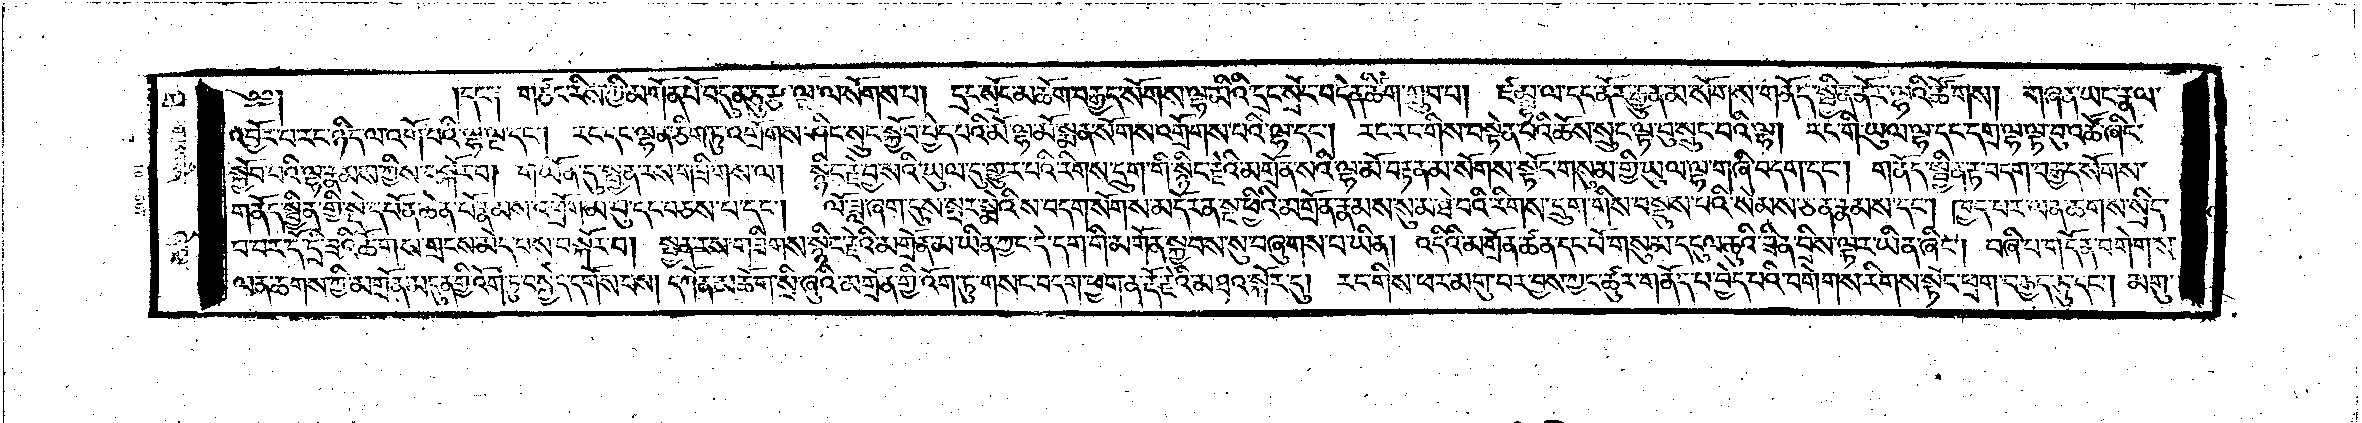༄༅། །དང༑ གཙང་རིས་ཀྱི་མགོན་པོ་བདུན་ཅུ་རྩ་ལྔ་ལ་སོགས་པ། དྲང་སྲོང་མཆོག་བརྒྱད་སོགས་ལྷ་མིའི་དྲང་སྲོང་བདེན་ཚིག་གྲུབ་པ། ཛམྦྷ་ལ་དང་ནོར་རྒྱུན་མ་སོགས་གནོད་སྦྱིན་ནོར་ལྷའི་ཚོགས། གཞན་ཡང་རྣལ་
འབྱོར་བ་རང་ཉིད་ལ་འགོ་བའི་ལྷ་ལྔ་དང་། རང་དང་ལྷན་ཅིག་ཏུ་འགྲོགས་ཤིང་སྲུང་སྐྱོབ་བྱེད་པའི་མོ་ལྷ་མོ་སྨན་སོགས་འགྲོགས་པའི་ལྷ་དང་། རང་རང་གིས་བསྟེན་པའི་ཆོས་སྲུང་ལྟ་བུ་སྲུང་བའི་ལྷ། རང་གི་ཡུལ་ལྷ་དང་དགྲ་ལྷ་ལྟ་བུ་འཚོ་ཞིང་
སྐྱོབ་པའི་ལྷ་རྣམས་ཀྱིས་བསྐོར་བ། གཡོན་དུ་སྤྱན་རས་གཟིགས་ལ། སྙིང་རྗེ་བྱ་སའི་ཡུལ་དུ་གྱུར་བའི་རིགས་དྲུག་གི་སྙིང་རྗེའི་མགྲོན་སའི་ལྷ་མོ་བརྟན་མ་སོགས་སྟོང་གསུམ་གྱི་ཡུལ་ལྷ་གཞི་བདག་དང་། གནོད་སྦྱིན་རྟ་བདག་བརྒྱད་སོགས་
གནོད་སྦྱིན་གྱི་སྡེ་དཔོན་ཆེན་པོ་རྣམས་འཕྲོག་མ་བུ་དང་བཅས་པ་དང་། ལོ་ཟླ་ཞག་དུས་སྤར་སྨེའི་ས་བདག་སོགས་མདོར་ན་སྔ་ཕྱིའི་མགྲོན་རྣམས་སུ་མ་ཐེ་བའི་རིགས་དྲུག་གིས་བསྡུས་པའི་སེམས་ཅན་རྣམས་དང་། ཁྱད་པར་ལན་ཆགས་སྲིད་
པ་བར་དོ་དྲི་ཟའི་ཚོགས་གྲངས་མེད་པས་བསྐོར་བ། སྤྱན་རས་གཟིགས་སྙིང་རྗེའི་མགྲོན་མ་ཡིན་ཀྱང་དེ་དག་གི་མགོན་སྐྱབས་སུ་བཞུགས་པ་ཡིན། འདིའི་མགྲོན་ཚན་དང་པོ་གསུམ་དངུལ་ཆུའི་ཟིན་བྲིས་ལྟར་ཡིན་ཞིང་། བཞི་པ་གདོན་བགེགས་
ལན་ཆགས་ཀྱི་མགྲོན་མདུན་གྱི་འོག་ཏུ་བསྐྱེད་དགོས་པས། དཀོན་མཆོག་སྲི་ཞུའི་མགྲོན་གྱི་འོག་ཏུ་གསང་བདག་ཕྱག་ན་རྡོ་རྗེའི་མཐའ་སྐོར་དུ། རང་གིས་ཕར་མགུ་བར་བྱས་ཀྱང་ཚུར་གནོད་པ་བྱེད་པའི་བགེགས་རིགས་སྟོང་ཕྲག་བརྒྱད་ཅུ་དང་། མགུ་